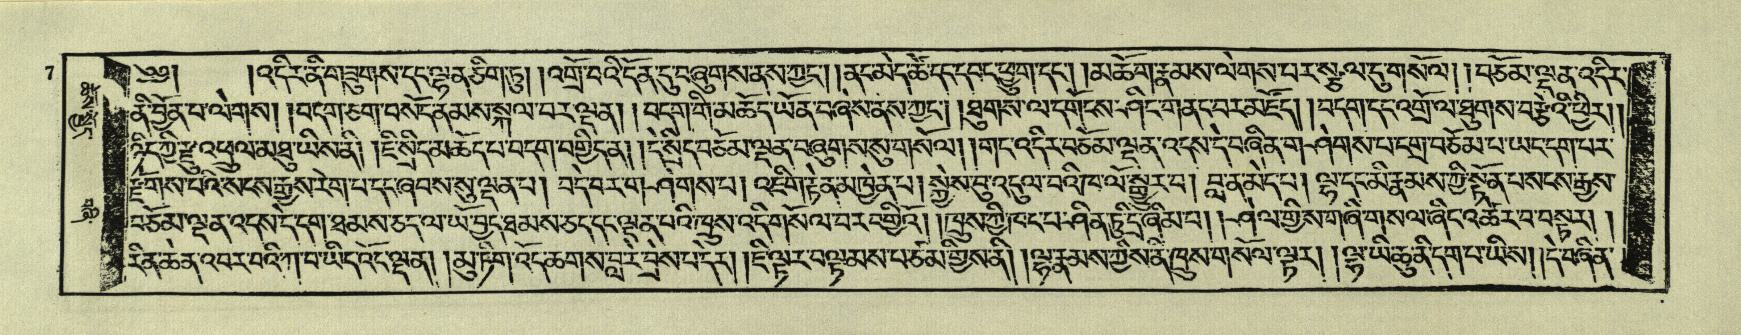༄༅། །འདིར་ནི་གཟུགས་དང་ལྷན་ཅིག་ཏུ། །འགྲོ་བའི་དོན་དུ་བཞུགས་ནས་ཀྱང་། །ནང་མེད་ཚེ་དང་དབང་ཕྱུག་དང་། །མཆོག་རྣམས་ལེགས་པར་སྩལ་དུ་གསོལ། །བཅོམ་ལྡན་འདིར་
ནི་བྱོན་པ་ལེགས། །བདག་ཅག་བསོད་ནམས་སྐལ་བར་ལྡན། །བདག་གི་མཆོད་ཡོན་བཞེས་ནས་ཀྱང་། །ཐུགས་ལ་དགོངས་ཤིང་གནང་བར་མཛོད། །བདག་དང་འགྲོ་ལ་ཐུགས་བརྩེའི་ཕྱིར། །
ཉིད་ཀྱི་རྫུ་འཕྲུལ་མཐུ་ཡིས་ནི། །ཇི་སྲིད་མཆོད་པ་བདག་བགྱིད་ན། །དེ་སྲིད་བཅོམ་ལྡན་བཞུགས་སུ་གསོལ། །གང་འདིར་བཅོམ་ལྡན་འདས་དེ་བཞིན་གཤེགས་པ་དགྲ་བཅོམ་པ་ཡང་དག་པར་
རྫོགས་པའི་སངས་རྒྱས་རེག་པ་དང་ཞབས་སུ་ལྡན་པ། བདེ་བར་གཤེགས་པ། འཇིག་རྟེན་མཁྱེན་པ། སྐྱེས་བུ་འདུལ་བའི་ཁ་ལོ་སྒྱུར་བ། བླ་ན་མེད་པ། ལྷ་དང་མི་རྣམས་ཀྱི་སྟོན་པ་སངས་རྒྱས་
བཅོམ་ལྡན་འདས་དེ་དག་ཐམས་ཅད་ལ་ཡོ་བྱད་ཐམས་ཅད་དང་ལྡན་པའི་ཁྲུས་འདི་གསོལ་བར་བགྱིའོ། །ཁྲུས་ཀྱི་ཁང་པ་ཤིན་ཏུ་དྲི་ཞིམ་པ། །ཤེལ་གྱི་ས་གཞི་གསལ་ཞིང་འཚེར་བ་བསྟར། །
རིན་ཆེན་འབར་བའི་ཀ་བ་ཡིད་འོང་ལྡན། །མུ་ཏིག་འོད་ཆགས་བླ་རེ་བྲེས་པ་དེར། །ཇི་ལྟར་བལྟམས་པ་ཙམ་གྱིས་ནི། །ལྷ་རྣམས་ཀྱིས་ནི་ཁྲུས་གསོལ་ལྟར། །ལྷ་ཡི་ཆུ་ནི་དག་པ་ཡིས། །དེ་བཞིན་